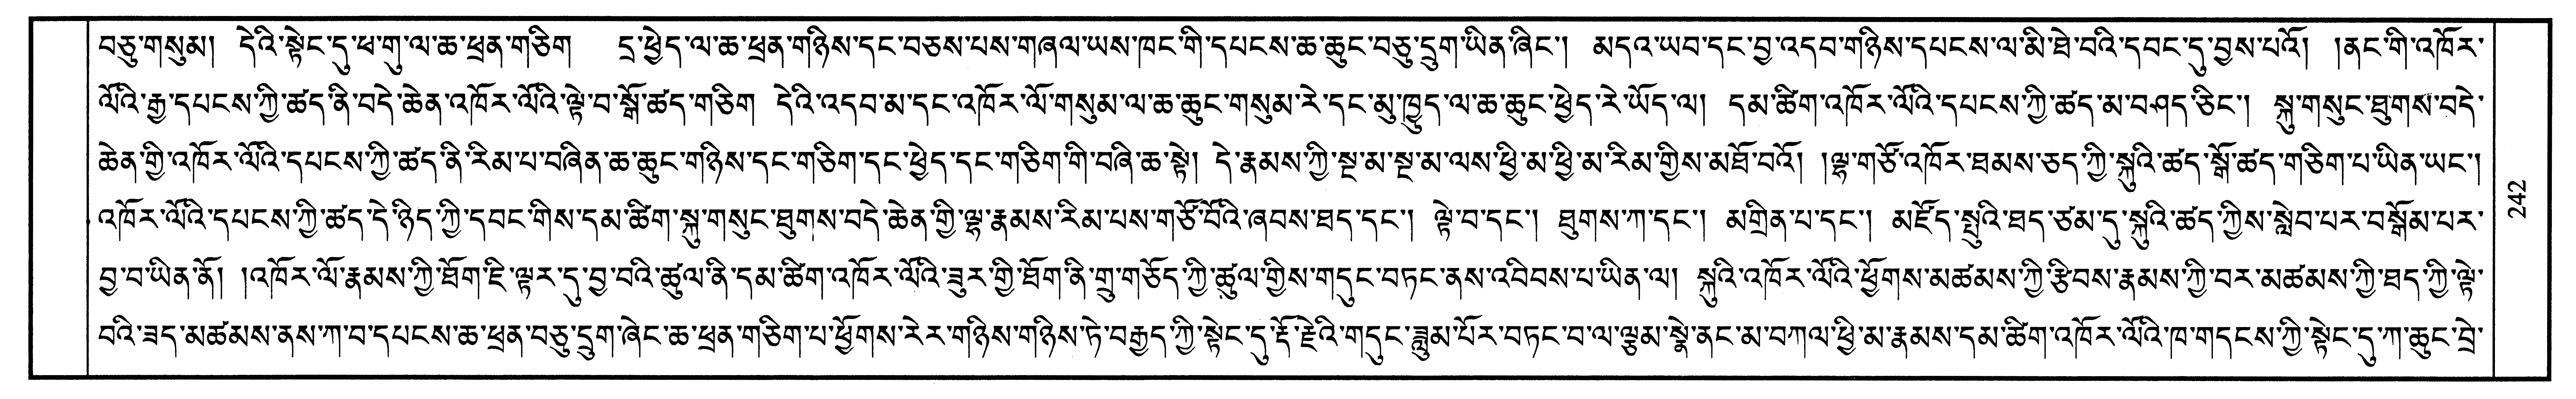བཅུ་གསུམ། དེའི་སྟེང་དུ་ཕ་གུ་ལ་ཆ་ཕྲན་གཅིག་དྲ་ཕྱེད་ལ་ཆ་ཕྲན་གཉིས་དང་བཅས་པས་གཞལ་ཡས་ཁང་གི་དཔངས་ཆ་ཆུང་བཅུ་དྲུག་ཡིན་ཞིང་། མདའ་ཡབ་དང་བྱ་འདབ་གཉིས་དཔངས་ལ་མི་ཐེ་བའི་དབང་དུ་བྱས་པའོ། །ནང་གི་འཁོར་
ལོའི་རྒྱ་དཔངས་ཀྱི་ཚད་ནི་བདེ་ཆེན་འཁོར་ལོའི་ལྟེ་བ་སྒོ་ཚད་གཅིག་དེའི་འདབ་མ་དང་འཁོར་ལོ་གསུམ་ལ་ཆ་ཆུང་གསུམ་རེ་དང་མུ་ཁྱུད་ལ་ཆ་ཆུང་ཕྱེད་རེ་ཡོད་ལ། དམ་ཚིག་འཁོར་ལོའི་དཔངས་ཀྱི་ཚད་མ་བཤད་ཅིང་། སྐུ་གསུང་ཐུགས་བདེ་
ཆེན་གྱི་འཁོར་ལོའི་དཔངས་ཀྱི་ཚད་ནི་རིམ་པ་བཞིན་ཆ་ཆུང་གཉིས་དང་གཅིག་དང་ཕྱེད་དང་གཅིག་གི་བཞི་ཆ་སྟེ། དེ་རྣམས་ཀྱི་སྔ་མ་སྔ་མ་ལས་ཕྱི་མ་ཕྱི་མ་རིམ་གྱིས་མཐོ་བའོ། །ལྷ་གཙོ་འཁོར་ཐམས་ཅད་ཀྱི་སྐུའི་ཚད་སྒོ་ཚད་གཅིག་པ་ཡིན་ཡང་།
འཁོར་ལོའི་དཔངས་ཀྱི་ཚད་དེ་ཉིད་ཀྱི་དབང་གིས་དམ་ཚིག་སྐུ་གསུང་ཐུགས་བདེ་ཆེན་གྱི་ལྷ་རྣམས་རིམ་པས་གཙོ་བོའི་ཞབས་ཐད་དང་། ལྟེ་བ་དང་། ཐུགས་ཀ་དང་། མགྲིན་པ་དང་། མཛོད་སྤུའི་ཐད་ཙམ་དུ་སྐུའི་ཚད་ཀྱིས་སླེབ་པར་བསྒོམ་པར་
བྱ་བ་ཡིན་ནོ། །འཁོར་ལོ་རྣམས་ཀྱི་ཐོག་ཇི་ལྟར་དུ་བྱ་བའི་ཚུལ་ནི་དམ་ཚིག་འཁོར་ལོའི་ཟུར་གྱི་ཐོག་ནི་གྲུ་གཅོད་ཀྱི་ཚུལ་གྱིས་གདུང་བཏང་ནས་འབིབས་པ་ཡིན་ལ། སྐུའི་འཁོར་ལོའི་ཕྱོགས་མཚམས་ཀྱི་རྩིབས་རྣམས་ཀྱི་བར་མཚམས་ཀྱི་ཐད་ཀྱི་ལྟེ་
བའི་ཟད་མཚམས་ནས་ཀ་བ་དཔངས་ཆ་ཕྲན་བཅུ་དྲུག་ཞེང་ཆ་ཕྲན་གཅིག་པ་ཕྱོགས་རེར་གཉིས་གཉིས་ཏེ་བརྒྱད་ཀྱི་སྟེང་དུ་རྡོ་རྗེའི་གདུང་ཟླུམ་པོར་བཏང་བ་ལ་ལྕམ་སྣེ་ནང་མ་བཀལ་ཕྱི་མ་རྣམས་དམ་ཚིག་འཁོར་ལོའི་ཁ་གདངས་ཀྱི་སྟེང་དུ་ཀ་ཆུང་བྲེ་